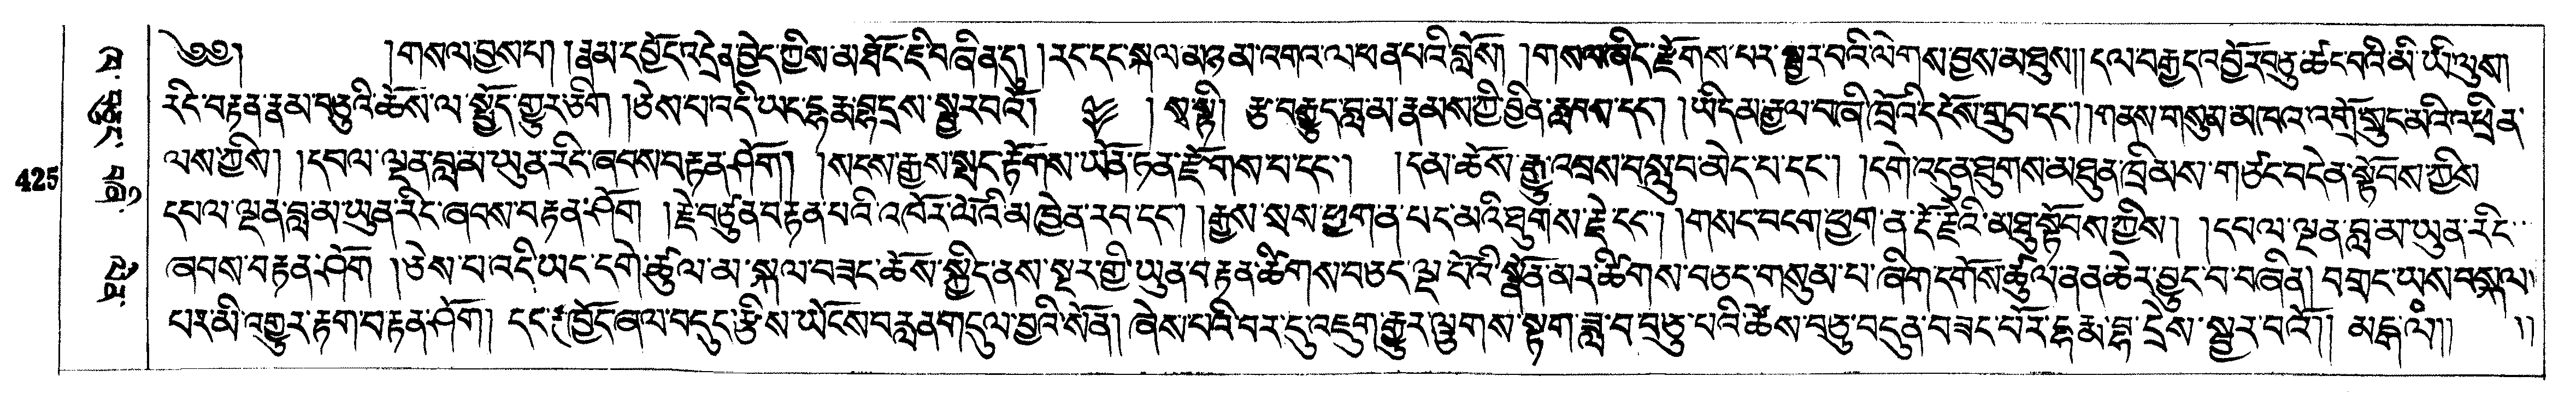༄༅། །གསལ་བྱས་པ། །རྣམ་དཔྱོད་འདྲེན་བྱེད་ཀྱིས་མཐོང་ཇི་བཞིན་དུ། །རང་དང་སྐལ་མཉམ་འགའ་ལ་ཕན་པའི་བློས། །གསལ་ཞིང་རྫོགས་པར་སྦྱར་བའི་ལེགས་བྱས་མཐུས། །དལ་བརྒྱད་འབྱོར་བཅུ་ཚང་བའི་མི་ཡི་ལུས།
རིང་བརྟན་རྣམ་བཅུའི་ཆོས་ལ་སྤྱོད་གྱུར་ཅིག །ཅེས་པ་འདི་ཡང་དྷརྨ་བྷ་དྲས་སྦྱར་བའོ། ༈ །སྭ་སྟི། རྩ་བརྒྱུད་བླ་མ་རྣམས་ཀྱི་བྱིན་རླབས་དང་། །ཡི་དམ་རྒྱལ་བ་ཞི་ཁྲོའི་དངོས་གྲུབ་དང་། །གནས་གསུམ་མཁའ་འགྲོ་སྲུང་མའི་འཕྲིན་
ལས་ཀྱིས། །དཔལ་ལྡན་བླ་མ་ཡུན་རིང་ཞབས་བརྟན་ཤོག། །སངས་རྒྱས་སྤང་རྟོགས་ཡོན་ཏན་རྫོགས་པ་དང་། །དམ་ཆོས་རྒྱུ་འབྲས་བསླུ་བ་མེད་པ་དང་། །དགེ་འདུན་ཐུགས་མཐུན་ཁྲིམས་གཙང་བདེན་སྟོབས་ཀྱིས་
དཔལ་ལྡན་བླ་མ་ཡུན་རིང་ཞབས་བརྟན་ཤོག །རྗེ་བཙུན་བརྟན་པའི་འཁོར་ལོའི་མཁྱེན་རབ་དང་། །རྒྱས་སྲས་ཕྱག་ན་པད་མའི་ཐུགས་རྗེ་དང་། །གསང་བདག་ཕྱག་ན་རྡོ་རྗེའི་མཐུ་སྟོབས་ཀྱིས། །དཔལ་ལྡན་བླ་མ་ཡུན་རིང་
ཞབས་བརྟན་ཤོག །ཅེས་པ་འདི་ཡང་དགེ་ཚུལ་མ་སྐལ་བཟང་ཆོས་སྐྱིད་ནས་སྔར་གྱི་ཡུན་བརྟན་ཚིགས་བཅད་ལྔ་པོའི་སྣོན་མར་ཚིགས་བཅད་གསུམ་པ་ཞིག་དགོས་ཚུལ་ནན་ཆེར་བྱུང་བ་བཞིན། བགྲང་ཡས་བསྐལ་
པར་མི་འགྱུར་རྟག་བརྟན་ཤོག། དང༑ ཁྱོད་ཞལ་བདུད་རྩིས་ཡོངས་བརླན་གདུལ་བྱའི་སོན། ཞེས་པའི་བར་དུ་འཇུག་རྒྱུར་ལྕགས་སྟག་ཟླ་བ་བཅུ་པའི་ཚེས་བཅུ་བདུན་བཟང་པོར་དྷརྨ་བྷ་དྲེས་སྦྱར་བའོ། །མངྒ་ལཾ།། །།